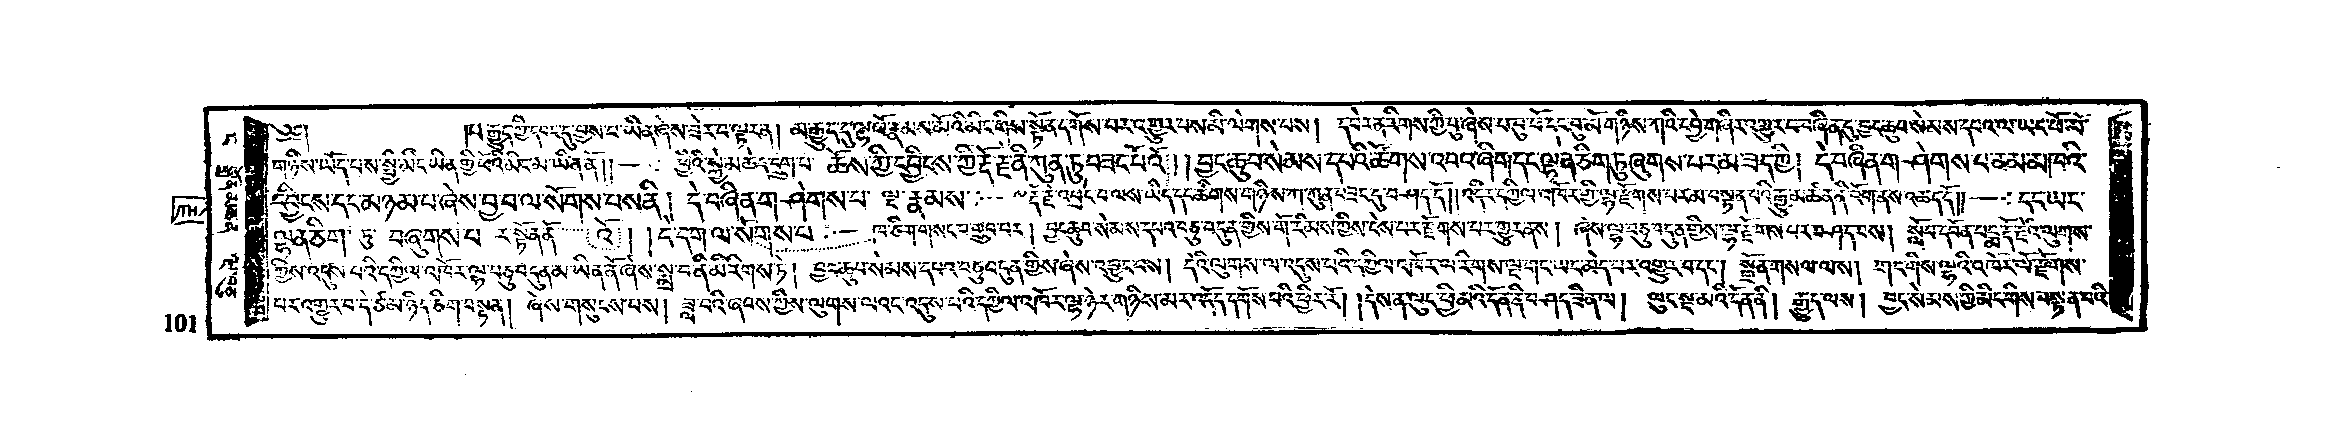༄༅། །ཕ་རྒྱུད་ཀྱི་དབང་དུ་བྱས་པ་ཡིན་ཞེས་ཟེར་བ་ལྟར་ན། མ་རྒྱུད་དུ་ལྷ་ཕོ་རྣམས་མོའི་མིང་གིས་སྟོན་དགོས་པར་འགྱུར་བས་མི་ལེགས་པས། དཔེར་ན་རིགས་ཀྱི་བུ་ཞེས་པ་བུ་ཕོ་དང་བུ་མོ་གཉིས་ཀའི་དབྱེ་གཞིར་འགྱུར་བ་བཞིན་དུ་བྱང་ཆུབ་སེམས་དཔའ་ལ་ཡང་ཕོ་མོ་
གཉིས་ཡོད་པས་སྤྱི་མིང་ཡིན་གྱི་ཕོའི་མིང་མ་ཡིན་ནོ།། H.་ཕྱིའི་སྐྱེ་མཆེད་དྲུག་པ་ཆོས་ཀྱི་དབྱིངས་ཀྱི་རྡོ་རྗེ་ནི་ཀུན་ཏུ་བཟང་པོའོ། །བྱང་ཆུབ་སེམས་དཔའི་ཚོགས་འབའ་ཞིག་དང་ལྷན་ཅིག་ཏུ་ཞུགས་པར་མ་ཟད་ཀྱི། དེ་བཞིན་གཤེགས་པ་ནམ་མཁའི་
དབྱིངས་དང་མཉམ་པ་ཞེས་བྱ་བ་ལ་སོགས་པས་ནི། དེ་བཞིན་གཤེགས་པ་ལྔ་རྣམས་H.་༧རྡོ་རྗེ་འཕྲེང་བ་ལས་ཡིད་དང་ཚིགས་གཉིས་ཀ་ཀུན་བཟང་དུ་བཤད་དོ། །འདིར་དཀྱིལ་འཁོར་གྱི་ལྷ་རྫོགས་པར་མ་བསྟན་པའི་རྒྱུ་མཚན་ནི་འོག་ནས་འཆད་དོ།། H.་དང་ཡང་
ལྷན་ཅིག་ཏུ་བཞུགས་པར་སྟོན་ནོ་འོ། །དེ་དག་ལ་སོགས་པ་H.་ཁ་ཅིག་སང་བ་གྲུབ་པར། བྱང་ཆུབ་དཔའ་བཅུ་བདུན་གྱིས་གོ་རིམས་ཀྱིས་ངེས་པར་རྫོགས་པར་གྱུར་ནས། ཞེས་ལྷ་བཅུ་བདུན་གྱིས་ལྷ་རྫོགས་པར་བཤད་པས། སློབ་དཔོན་པདམ་རྡོ་རྗེའི་ལུགས་
ཀྱིས་འདུས་པའི་དཀྱིལ་འཁོར་ལྷ་བཅུ་བདུན་མ་ཡིན་ནོ་ཞེས་སྨྲ་བ་ནི་མི་རིགས་ཏེ། བྱང་ཆུབ་སེམས་དཔའ་བཅུ་བདུན་གྱིས་ཞེས་འབྱུང་བས། དེའི་ལུགས་ལ་འདུས་པའི་དཀྱིལ་འཁོར་ལ་རིགས་ལྔ་གང་ཡང་མེད་པར་འགྱུར་བ་དང་། སྒྲོན་གསལ་ལས། གང་གིས་ལྷའི་འཁོར་ལོ་རྫོགས་
པར་འགྱུར་བ་དེ་ཙམ་ཉིད་ཅིག་བསྟན། ཞེས་གསུངས་པས། ཟླ་བའི་ཞབས་ཀྱིས་ལུགས་ལའང་འདུས་པའི་དཀྱིལ་འཁོར་ལྷ་ཉེར་གཉིས་མར་འདོད་དགོས་པའི་ཕྱིར་རོ། །དེས་ན་ལུང་ཕྱི་མའི་དོན་ནི་བཤད་ཟིན་ལ། ལུང་སྔ་མའི་དོན་ནི། །རྒྱུད་ལས། བྱང་སེམས་ཀྱི་མིང་གིས་བསྟན་པའི་